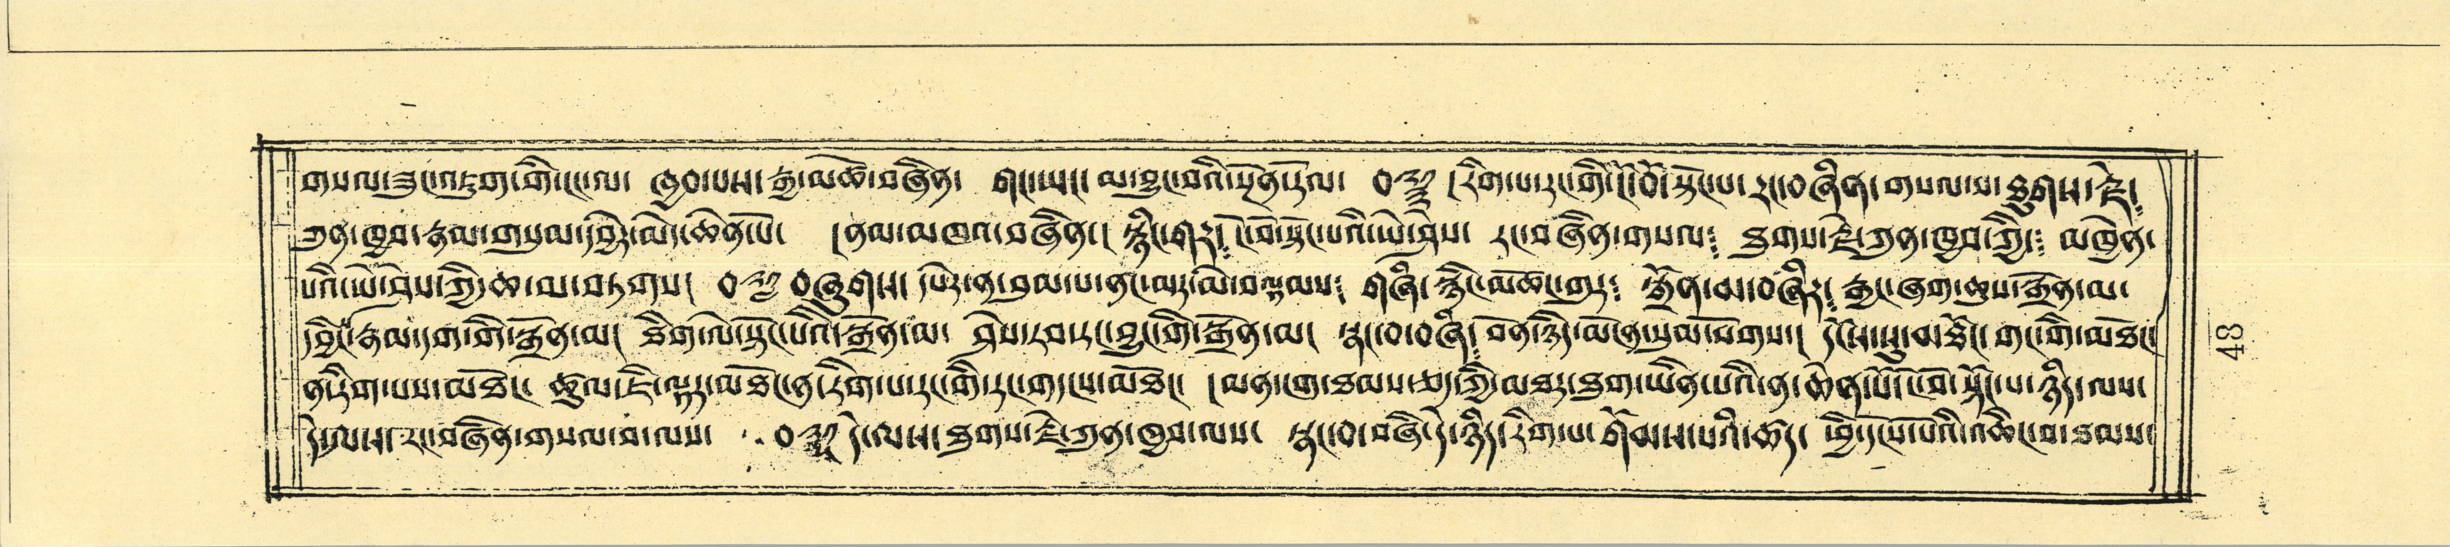གསལ་ཟུང་འཇུག་གི་ངང་ལ། ༼ཁྱབ་པས༽རྒྱ་མཚོ་བཞིན་ ༼གང་ཡང༽མ་བྱུང་བའི་སྔོན་རོལ་ན། བ༢༡།༣ རིག་པ་རང་གི་༼ངོ་བོ༽སྟོང་པ་༼རང་བཞིན༽གསལ་བ་ ༼ཐུགས་རྗེ༽
ཀུན་ཁྱབ་རྣམ་གསུམ་དབྱེར་མེད་ཆེན་པོ་ནམ་མཁའ་རང་བཞིན་ ༼སྙིང་གར༽ངོ་བོ་སྟོང་པའི་ཡེ་ཤེས་རང་བཞིན་གསལ་ཐུགས་རྗེ་ཀུན་ཁྱབ་ཀྱི་མཁྱེན་
པའི་ཡེ་ཤེས་ཀྱི་ཆ་ལ་བཏགས་བ༢༡།༤ བཞུགས་དཔེར་ན་བུམ་པ་ནང་མར་མེ་བལྟམས། ༼གཞི༽ སྙིང་མཆོང་གུར་༼སྒྲོན་མ་བཞིར༽རྒྱང་ཞགས་ཆུའི་སྒྲོན་མ་
དབྱིངས་རྣམ་དག་གི་སྒྲོན་མ་ཐིག་ལེ་སྟོང་པའི་སྒྲོན་མ་ཤེས་རབ་རང་བྱུང་གི་སྒྲོན་མ་ ༼སྣང་བ་བཞི༽བོན་ཉིད་མངོན་སུམ་སོགས་ ༼དངོས་སུ་མཐོང་༽གང་གིས་མཐོང་
ན་རིག་པས་མཐོང་། ཚུལ་ཇི་ལྟར་མཐོང་ན་རིག་པ་རང་གི་རང་གདངས་མཐོང་། མན་ངག་ཐམས་ཅད་ཀྱི་མཐར་ཐུག་ཡིན་པས་ན་༼ཆེན་པོ༽ངོ་བོ་༼སྟོང་པ༽ཉིད་ལས་
༼དེ་ལས༽རང་བཞིན་གསལ་བ་ལས། བ༢༡།༥ ༼དེ་ལས༽ཐུགས་རྗེ་ཀུན་ཁྱབ་ལས་ ༼སྣང་བ༽བཞི་༼དེ་ཉིད༽རིག་པ་༼གོམས་པའི་ཚད༽ཕྱི་དངོས་པོའི་འཆིང་བ་ཐམས་